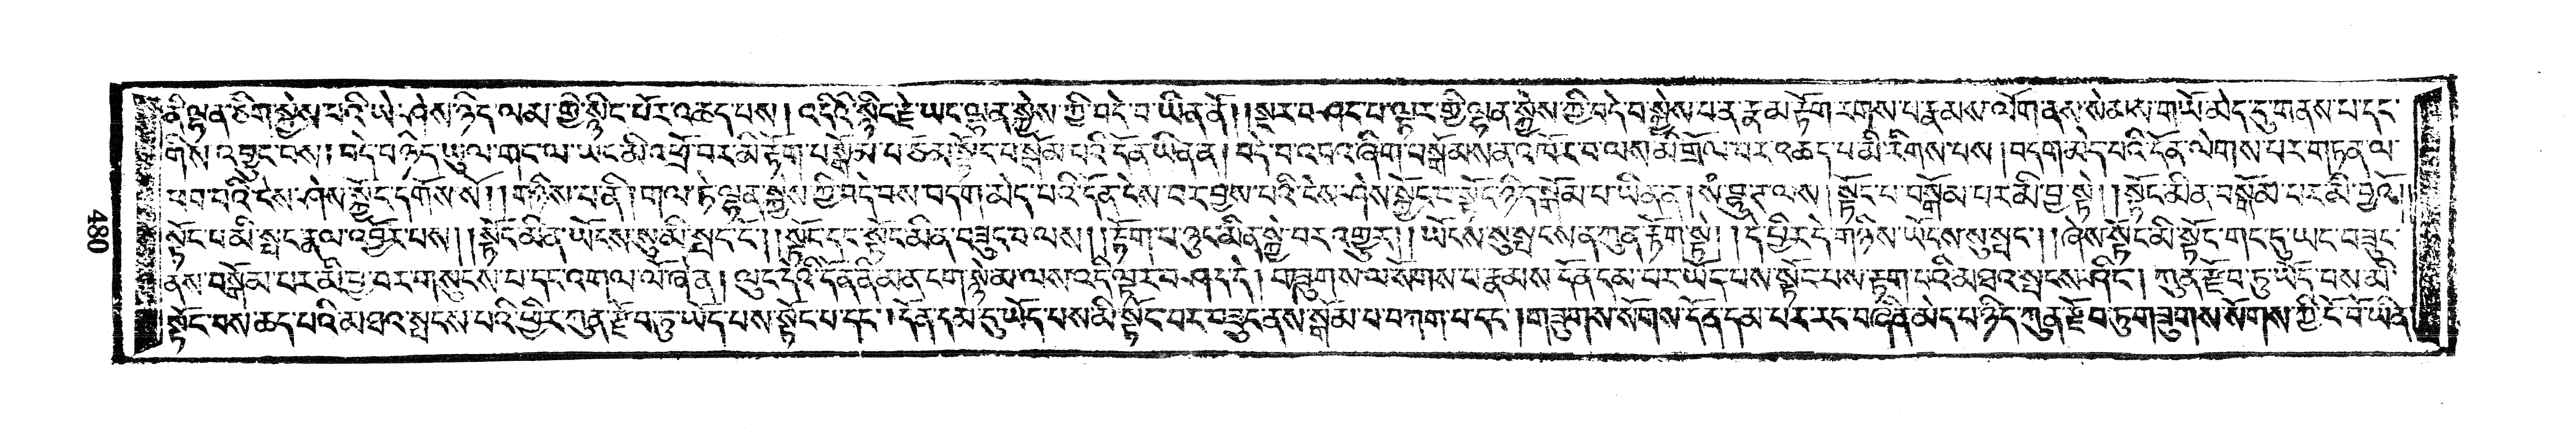ནི་ལྷན་ཅིག་སྐྱེས་པའི་ཡེ་ཤེས་ཉིད་ལམ་གྱི་སྙིང་པོར་འཆད་པས། འདིའི་སྙིང་རྗེ་ཡང་ལྷན་སྐྱེས་ཀྱི་བདེ་བ་ཡིན་ནོ། །སྔར་བཤད་པ་ལྷན་སྐྱེས་ཀྱི་བདེ་བ་སྐྱེས་པ་ན་རྣམ་རྟོག་རགས་པ་རྣམས་ལོག་ནས་སེམས་གཡོ་མེད་དུ་གནས་པ་དང་
གིས་འབྱུང་བས། བདེ་བ་ཉིད་ཡུལ་གང་ལ་ཡང་མི་འཕྲོ་བར་མི་རྟོག་པ་སྒོམ་པ་ཙམ་སྟོང་པ་སྒོམ་པའི་དོན་ཡིན་ན། བདེ་བ་འབའ་ཞིག་བསྒོམས་ན་འཁོར་བ་ལས་མི་གྲོལ་བར་འཆད་པ་མི་རིགས་པས། བདག་མེད་པའི་དོན་ལེགས་པར་གཏན་ལ་
ཕབ་པའི་ངེས་ཤས་སྐྱོང་དགོས་སོ། །གཉིས་པ་ནི། གལ་ཏེ་ལྷན་སྐྱེས་ཀྱི་བདེ་བས་བདག་མེད་པའི་དོན་ངེས་པར་བྱས་པའི་ངེས་ཤེས་སྐྱོང་བ་སྟོང་ཉིད་སྒོམ་པ་ཡིན་ན། སཾ་བྷུ་ཊ་ལས། སྟོང་པ་བསྒོམ་པར་མི་བྱ་སྟེ། །སྟོང་མིན་བསྒོམ་པར་མི་བྱའོ། །
སྟོང་པ་མི་སྤང་རྣལ་འབྱོར་པས། །སྟོང་མིན་ཡོངས་སུ་མི་སྤང་ངོ། །སྟོང་དང་སྟོང་མིན་བཟུང་བ་ལས། །རྟོག་པ་ཉུང་མིན་སྐྱེ་བར་འགྱུར། །ཡོངས་སུ་སྤངས་ན་ཀུན་རྟོག་སྟེ། །དེ་ཕྱིར་དེ་གཉིས་ཡོངས་སུ་སྤང་། །ཞེས་སྟོང་མི་སྟོང་གང་དུ་ཡང་བཟུང་
ནས་བསྒོམ་པར་མི་བྱ་བར་གསུངས་པ་དང་འགལ་ལོ་ཞེ་ན། ལུང་དེའི་དོན་ནི་མན་ངག་སྙེ་མ་ལས་འདི་ལྟར་བཤད་དེ། གཟུགས་ལ་སོགས་པ་རྣམས་དོན་དམ་པར་ཡོད་པས་སྟོང་པས་རྟག་པའི་མཐའ་སྤངས་ཤིང་། ཀུན་རྫོབ་ཏུ་ཡོད་པས་མི་
སྟོང་བས་ཆད་པའི་མཐའ་སྤངས་པའི་ཕྱིར་ཀུན་རྫོབ་ཏུ་ཡོད་པས་སྟོང་པ་དང་། དོན་དམ་དུ་ཡོད་པས་མི་སྟོང་བར་བཟུང་ནས་སྒོམ་པ་བཀག་པ་དང་། གཟུགས་སོགས་དོན་དམ་པར་རང་བཞིན་མེད་པ་ཉིད་ཀུན་རྫོབ་ཏུ་གཟུགས་སོགས་ཀྱི་ངོ་བོ་ཡིན་